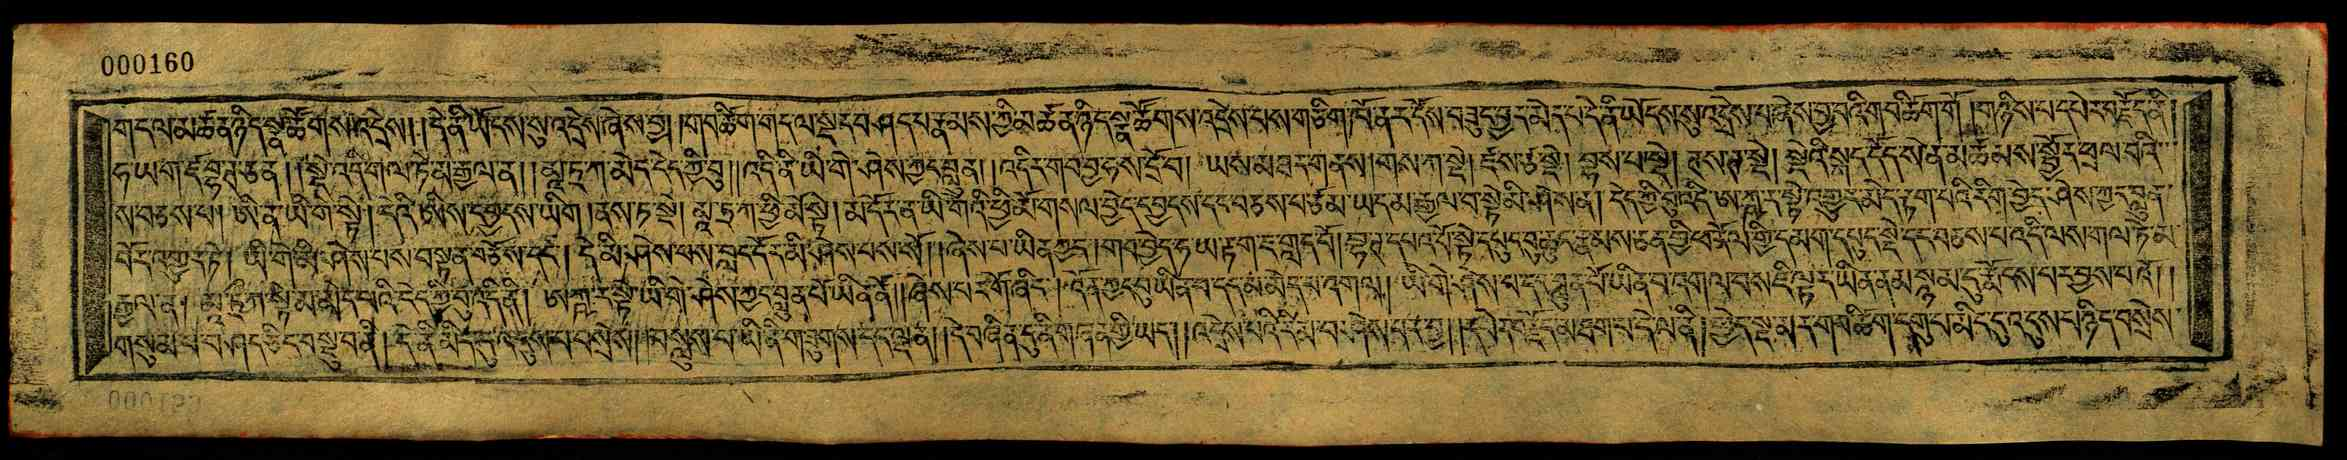གང་ལ་མཚན་ཉིད་སྣ་ཚོགས་འདྲེས། །དེ་ནི་ཡོངས་སུ་འདྲེས་ཞེས་བྱ། །གབ་ཚིག་གང་ལ་སྔར་བཤད་པ་རྣམས་ཀྱི་མཚན་ཉིད་སྣ་ཚོགས་འདྲེས་པས་གཅིག་ཁོ་ནར་ངེས་བཟུང་བྱར་མེད་པ་དེ་ནི་ཡོངས་སུ་འདྲས་པ་ཞེས་བྱ་བའི་གབ་ཚེག་གོ །གཉིས་པ་དཔེར་བརྗོད་ནི།།
ཧ་ཡ་ག་ཛ་བྷ་ཊ་ཅན། །སྡེ་འདི་གལ་ཏེ་མ་རྒྱལ་ན། །མཱ་ཊརྀ་ཀ་མེད་ངེད་ཀྱི་བུ། །འདི་ནི་ཡི་གེ་ཤེས་ཀྱང་བླུན། །འདིར་གབ་བྱ་ཧས་དྲོ་བ། ཡས་མཐར་གནས། གས་ཀ་སྡེ། ཛས་ཙ་སྡེ། བྷས་པ་སྡེ། ཊས་ཊ་སྡེ། སྡེའི་སྐད་དོད་སེ་ན་མཚམས་སྦྱོར་ཕྲལ་བའི་
ས་བཅས་པ། ཨི་ན་ཡི་གེ་སྟེ། དེའི་ཨིས་དབྱངས་ཡིག །ནས་ཏ་སྡེ། མཱ་ཏྲྀ་ཀ་ཕྱི་མོ་སྟེ། མདོར་ན་ཡི་གེའི་ཕྱི་མོ་གསལ་བྱེད་དབྱངས་དང་བཅས་པ་ཙམ་ཡང་མ་རྒྱལ་བ་སྟེ་མི་ཤེས་ན། ངེད་ཀྱི་བུ་འདི་ཨ་ཀྵ་ར་སྟེ་འགྱུར་མེད་རྟག་པའི་རིག་བྱེད་ཤེས་ཀྱང་བླུན་
པོར་འགྱུར་ཏེ། ཡི་གེ་མི་ཤེས་པས་བསྟན་བཅོས་དང་། དེ་མི་ཤེས་པས་བླང་དོར་མི་ཤེས་པས་སོ། །ཞེས་པ་ཡིན་ཀྱང་། གབ་བྱེད་ཧ་ཡང་རྟག་ཇ་གླང་པོ། བྷ་ཊ་དཔའ་པོ་སྟེ་དཔུང་བུ་ཆུང་རྣམས་ཅན་གྱི་ཕ་རོལ་གྱི་དམག་དཔུང་སྡེ་དང་བཅས་པ་འདི་ལས་གལ་ཏེ་མ་
རྒྱལ་ན། མཱ་ཏྲི་ཀ་སྟེ་མ་མེད་ངེད་ཀྱི་བུ་འདི་ནི། ཨ་ཀྵ་ར་སྟེ་ཡི་གེ་ཤེས་ཀྱང་བླུན་པོ་ཡིན་ནོ། །ཞེས་པར་གོ་ཞིང་། འོན་ཀྱང་བུ་ཡིན་པ་དང་མ་མེད་པ་འགལ། ཡི་གེ་ཤེས་པ་དང་བླུན་པོ་ཡིན་པ་འགལ་བས་ཇི་ལྟར་ཡིན་ནམ་སྙམ་དུ་རྨོངས་པར་བྱས་པའོ།།
གསུམ་པ་བཤད་ཅིང་བསྡུ་བ་ནི། དེ་ནི་མིང་དུ་འདུས་པ་བསྲེས། །བསླུས་པ་ཡི་ནི་གཟུངས་དང་ལྡན། །དེ་བཞིན་དུ་ནི་གཞན་གྱི་ཡང་། །འདྲེས་པའི་རིམ་པ་ཤེས་པར་བྱ། །དཔེར་བརྗོད་མ་ཐག་པ་དེ་ལ་ནི། ཕྱེད་སྔ་མར་གབ་ཚིག་དགུ་པ་མིང་དུ་འདུས་པ་ཉིད་བསྲེས་